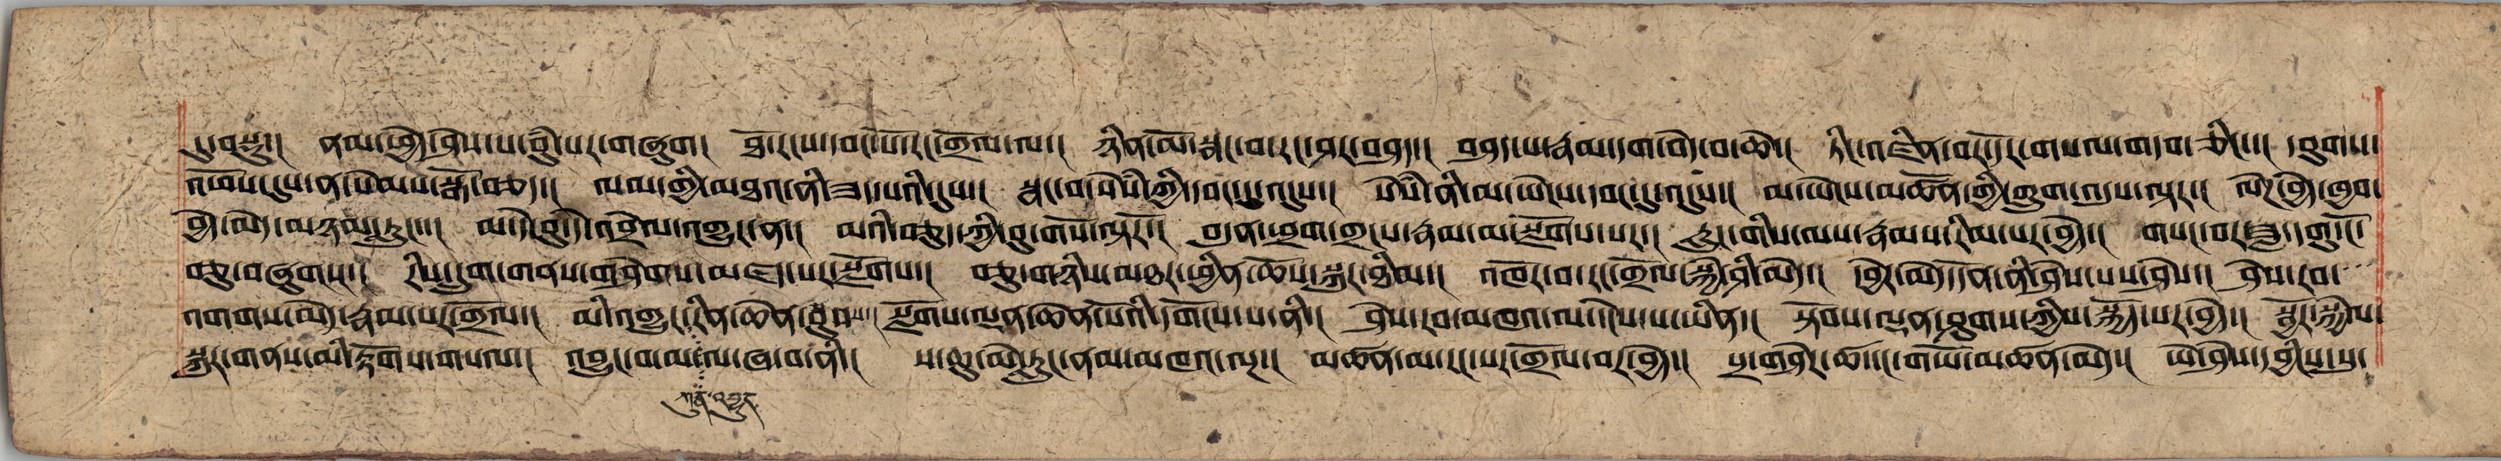དུ་བསྡུ་། ནམ་ཕྱེད་ཤེས་པ་བུཾ་པར་གཞུག། ཐོ་རངས་དབང་པོ་རང་གྲོལ་ལ་། ཉིན་མོ་སྣང་བ་རང་ཤར་བཤད་། བཤད་པ་རྣམ་དག་བདེ་བ་ཆེ་། ཏིང་འཛིན་བར་དོར་གསལ་གདབ་ཅིང་་། དབུགས་
འཕོས་དུས་ན་སེམས་སྒོ་བཅད་། ལམ་གྱི་མཐའ་ནི་ཟད་པའི་དུས་། སྣང་བ་སེསཾ་ཀྱི་དབང་དུ་འདུས་། སེསཾ་ནི་མ་ཡེངས་དབང་དུ་འདུས་། མ་ཡེངས་མཚོན་གྱི་གྲུག་འདུས་ལྟར་། ལེཌ་བྱེད་ཁྱབ་
བྱེད་མེད་མཉམ་རླུང་་། མ་དེ་བུ་དེ་འབྲེལ་འགྱུར་ན་། མའི་བཅུད་ཀྱི་བུ་གསོ་ལྟརོ་། བདུན་ཕྲག་གྲངས་རྣམ་མ་སྫོགས་པར་། རླུང་གིས་ལས་རྣམས་རིམ་པར་བྱེད་། གསང་བར་ཟླ་དགུ་ངོ་
བཅུ་བཞུགས་། རིས་དྲུག་གནས་གཤེགས་མཛད་པར་སྫོགས་། བཅུ་གཉིས་མཐར་ཕྱིན་ཆོས་སྐུར་ཐིམ་། འཁོར་བ་རང་གྲོལ་སྐྱེ་ཤི་མེད་། དབྱེར་མེད་དོན་ནི་ཤེས་པས་ཤེས་། ཤེས་རབ་
འགགས་མེད་རྣམ་པར་གྲོལ་། མི་འགྱུར་རིན་ཆེན་བུབས་། སྫོགས་ལྡན་ཆེན་པོའི་དགོངས་པ་ནི་། ཤེས་རབ་མཁའ་ལ་ངེས་པ་ཡིན་། སྟོབས་ལྡན་ཤུགས་ཀྱིས་སྐྱོད་པར་བྱེད་། སྦྱོར་སྐྱེལ་
སྐུར་གནས་མི་རྟོགས་གསལ་། འབྱུང་བ་མ་ལ་ཞ་བ་ནི་། ས་ཆུ་མེ་རླུང་ནམ་མཁའ་ལྔ་། མཚན་མ་རང་སར་གྲོལ་བར་བྱེད་། པྲ་གཤེར་ཚ་དང་གཡོ་མཚན་མེད་། ཡེ་ཤེས་དབྱིངས་སུ་